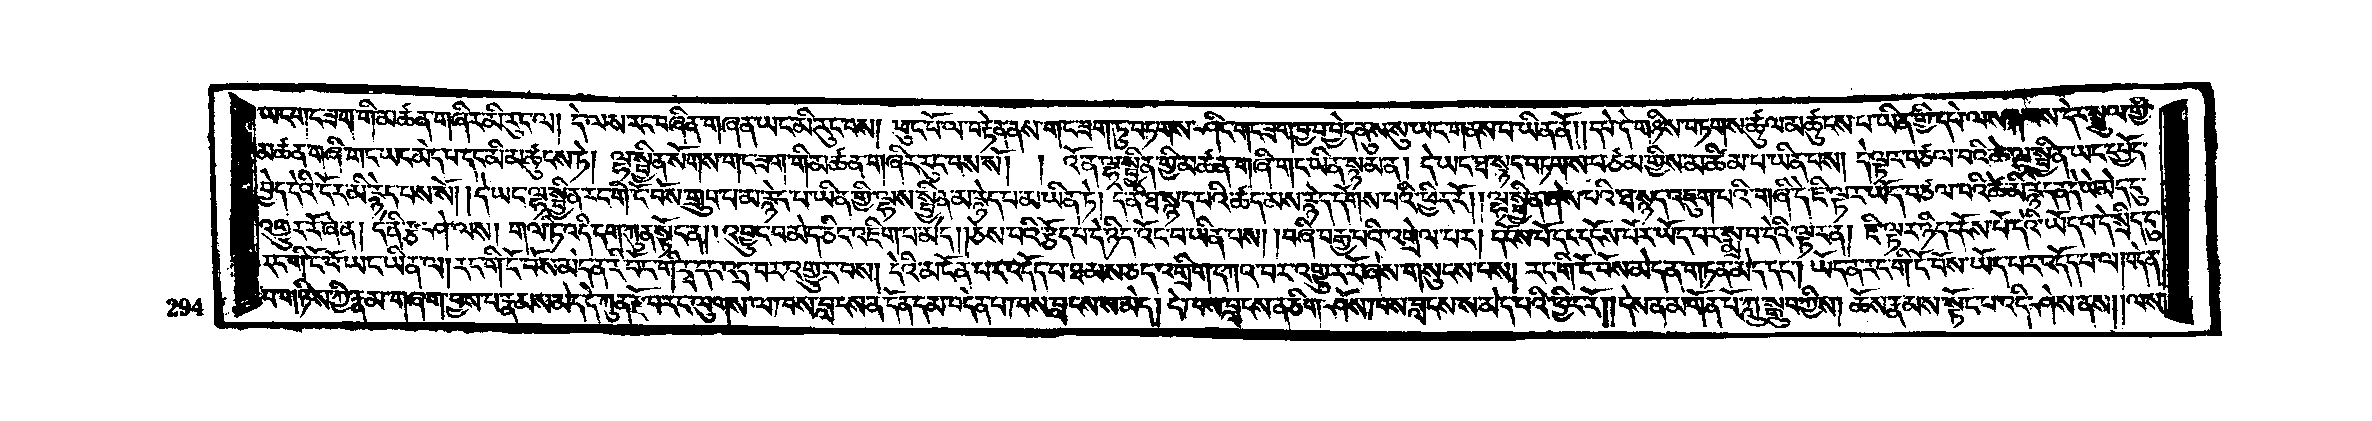ཡང་གང་ཟག་གི་མཚན་གཞིར་མི་རུང་ལ། དེ་ལས་རང་བཞིན་གཞན་ཡང་མི་རུང་བས། ཕུང་པོ་ལ་བརྟེན་ནས་གང་ཟག་ཏུ་བཏགས་ཤིང་གང་ཟག་བྱ་བ་བྱེད་ནུས་སུ་ཡང་གནས་པ་ཡིན་ནོ། །དཔེ་དེ་གཉིས་བཏགས་ཚུལ་མཚུངས་པ་ཡིན་གྱི་དཔེ་ལས་སྐབས་དེར་སྒྲུལ་གྱི་
མཚན་གཞི་གང་ཡང་མེད་པ་དང་མི་མཚུངས་ཏེ། ལྷ་སྦྱིན་སོགས་གང་ཟག་གི་མཚན་གཞིར་རུང་བས་སོ། །འོ་ན་ལྷ་སྦྱིན་གྱི་མཚན་གཞི་གང་ཡིན་སྙམ་ན། དེ་ཡང་ཐ་སྙད་བཏགས་པ་ཙམ་གྱིས་མ་ཚིམ་པ་ཡིན་པས། དེ་ལྟར་བཙལ་བའི་ཚེ་ལྷ་སྦྱིན་ཡང་དཔྱོད་
བྱེད་དེའི་ངོར་མི་རྙེད་པས་སོ། །དེ་ཡང་ལྷ་སྦྱིན་རང་གི་ངོ་བོས་གྲུབ་པ་མ་རྙེད་པ་མ་ཡིན་གྱི་ལྷས་སྦྱིན་མ་རྙེད་པ་མ་ཡིན་ཏེ། དེ་ནི་ཐ་སྙད་པའི་ཚད་མས་རྙེད་དགོས་པའི་ཕྱིར་རོ། །ལྷ་སྦྱིན་ཞེས་པའི་ཐ་སྙད་འཇུག་པའི་གཞི་དེ་ཇི་ལྟར་ཡོད་བཙལ་བའི་ཚེ་མི་རྙེད་ན་དེ་ཡེ་མེད་དུ་
འགྱུར་རོ་ཞེ་ན། དེ་ནི་རྩ་ཤེ་ལས། གལ་ཏེ་འདི་དག་ཀུན་སྟོང་ན། །འབྱུང་བ་མེད་ཅིང་འཇིག་པ་མེད། །ཅེས་པའི་རྩོད་པ་དེ་ཉིད་འོང་བ་ཡིན་པས། །བཞི་བརྒྱ་བའི་འགྲེལ་པར། དངོས་པོ་དང་དངོས་པོར་ཡོད་པར་སྨྲ་བ་དེའི་ལྟར་ན། ཇི་ལྟར་ཉིད་དངོས་པོ་དེའི་ཡོད་པ་དེ་སྲིད་དུ་
རང་གི་ངོ་བོ་ཡང་ཡིན་ལ། རང་གི་ངོ་བོས་མེད་ན་རི་བོང་གི་རྭ་དང་འདྲ་བར་འགྱུར་བས། དེའི་མངོན་པར་འདོད་པ་ཐམས་ཅད་འགྲིག་དཀའ་བར་འགྱུར་རོ་ཞེས་གསུངས་པས། རང་གི་ངོ་བོས་མེད་ན་གཏན་མེད་དང་། ཡོད་ན་རང་གི་ངོ་བོས་ཡོད་པར་འདོད་པ་ལ། བདེན་
པ་གཉིས་ཀྱི་རྣམ་གཞག་བྱས་པ་རྣམས་མེད་དེ་ཀུན་རྫོབ་རང་ལུགས་ལ་ཁས་བླངས་ན་དོན་དམ་བདེན་པ་ཁས་བླངས་ས་མེད། དེ་ཁས་བླངས་ན་ཅིག་ཤོས་ཁས་བླངས་ས་མེད་པའི་ཕྱིར་རོ། །དེས་ན་མགོན་པོ་ཀླུ་སྒྲུབ་ཀྱིས། ཆོས་རྣམས་སྟོང་པ་འདི་ཤེས་ནས། །ལས་